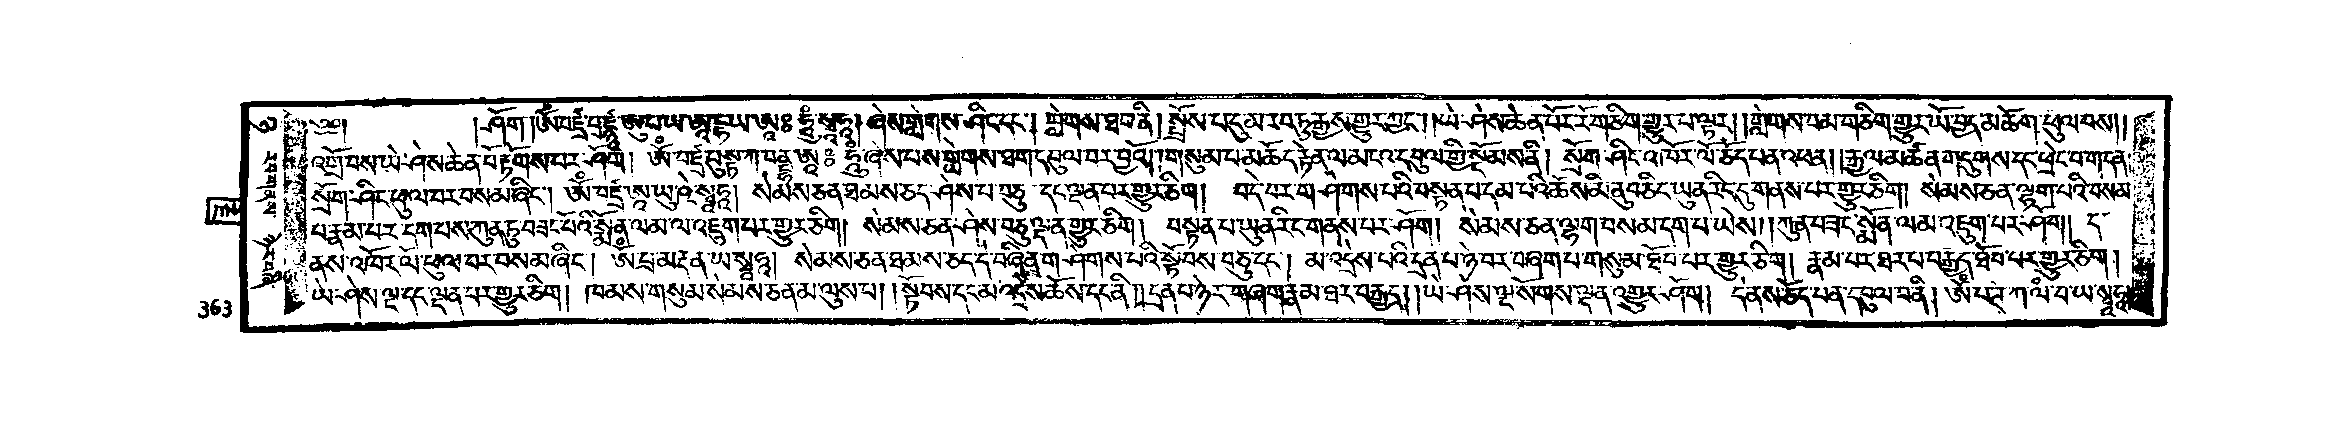༄༅། །ཤོག །ཨོཾ་བཛྲ་པྲཛྙཱ་ཨུ་པ་ཡ་ཨཱ་དྷ་ཡ་ཨཱཿ ཧཱུཾ་སྭཱ་ཧཱ། ཞེས་གླེགས་ཤིང་དང་། གླེགས་ཐག་ནི། སྤྲོས་པ་དུ་མ་རབ་ཏུ་རྒྱས་གྱུར་ཀྱང་། །ཡེ་ཤེས་ཆེན་པོར་རོ་གཅིག་གྱུར་པ་ལྟར། །གླེགས་བམ་གཅིག་གྱུར་ཡོ་བྱེད་མཆོག་ཕུལ་བས། །
འགྲོ་བས་ཡེ་ཤེས་ཆེན་པོ་རྟོགས་པར་ཤོག །ཨོཾ་བཛྲ་པུ་སྟ་ཀ་པནྡྷ་ཨཱཿ ཧཱུཾ་ཞེས་པས་གླེགས་ཐག་དབུལ་བར་བྱའོ། །གསུམ་པ་མཆོད་རྟེན་ལ་མངའ་དབུལ་གྱི་སྡོམས་ནི། སྲོག་ཤིང་འཁོར་ལོ་ཅོད་པན་འཕན། །རྒྱལ་མཚན་གདུགས་དང་ཕྲེང་བ་གདན་
སྲོག་ཤིང་ཕུལ་བར་བསམ་ཞིང་། ཨོཾ་བཛྲ་ཨཱ་ཡུ་ཥེ་སྭཱ་ཧཱ། སེམས་ཅན་ཐམས་ཅད་ཤེས་པ་བཅུ་དང་ལྡན་པར་གྱུར་ཅིག །བདེ་བར་གཤེགས་པའི་བསྟན་པ་དམ་པའི་ཆོས་མི་ནུབ་ཅིང་ཡུན་རིང་དུ་གནས་པར་གྱུར་ཅིག །སེམས་ཅན་ལྷག་པའི་བསམ་
པ་རྣམ་པར་དག་པས་ཀུན་ཏུ་བཟང་པོའི་སྨོན་ལམ་ལ་འཇུག་པར་གྱུར་ཅིག །སེམས་ཅན་ཤེས་བཅུ་ལྡན་གྱུར་ཅིག །བསྟན་པ་ཡུན་རིང་གནས་པར་ཤོག །སེམས་ཅན་ལྷག་བསམ་དག་པ་ཡིས། །ཀུན་བཟང་སྨོན་ལམ་འཇུག་པར་ཤོག །དེ་
ནས་འཁོར་ལོ་ཕུལ་བར་བསམ་ཞིང་། ཨོཾ་པྲ་མརྡ་ན་ཡ་སྭཱ་ཧཱ། སེམས་ཅན་ཐམས་ཅད་དེ་བཞིན་གཤེགས་པའི་སྟོབས་བཅུ་དང་། མ་འདྲེས་པའི་དྲན་པ་ཉེ་བར་བཞག་པ་གསུམ་ཐོབ་པར་གྱུར་ཅིག །རྣམ་པར་ཐར་པ་བརྒྱད་ཐོབ་པར་གྱུར་ཅིག །
ཡེ་ཤེས་ལྔ་དང་ལྡན་པར་གྱུར་ཅིག །ཁམས་གསུམ་སེམས་ཅན་མ་ལུས་པ། །སྟོབས་དང་མ་འདྲེས་ཆོས་དང་ནི། །དྲན་པ་ཉེར་གཞག་རྣམ་ཐར་བརྒྱད། །ཡེ་ཤེས་ལྔ་སོགས་ལྡན་འགྱུར་ཤོག །དེ་ནས་ཅོད་པན་དབུལ་བ་ནི། ཨོཾ་པ་ཊཾ་ཀ་ལཾ་བ་ཡ་སྭཱ་ཧཱ།